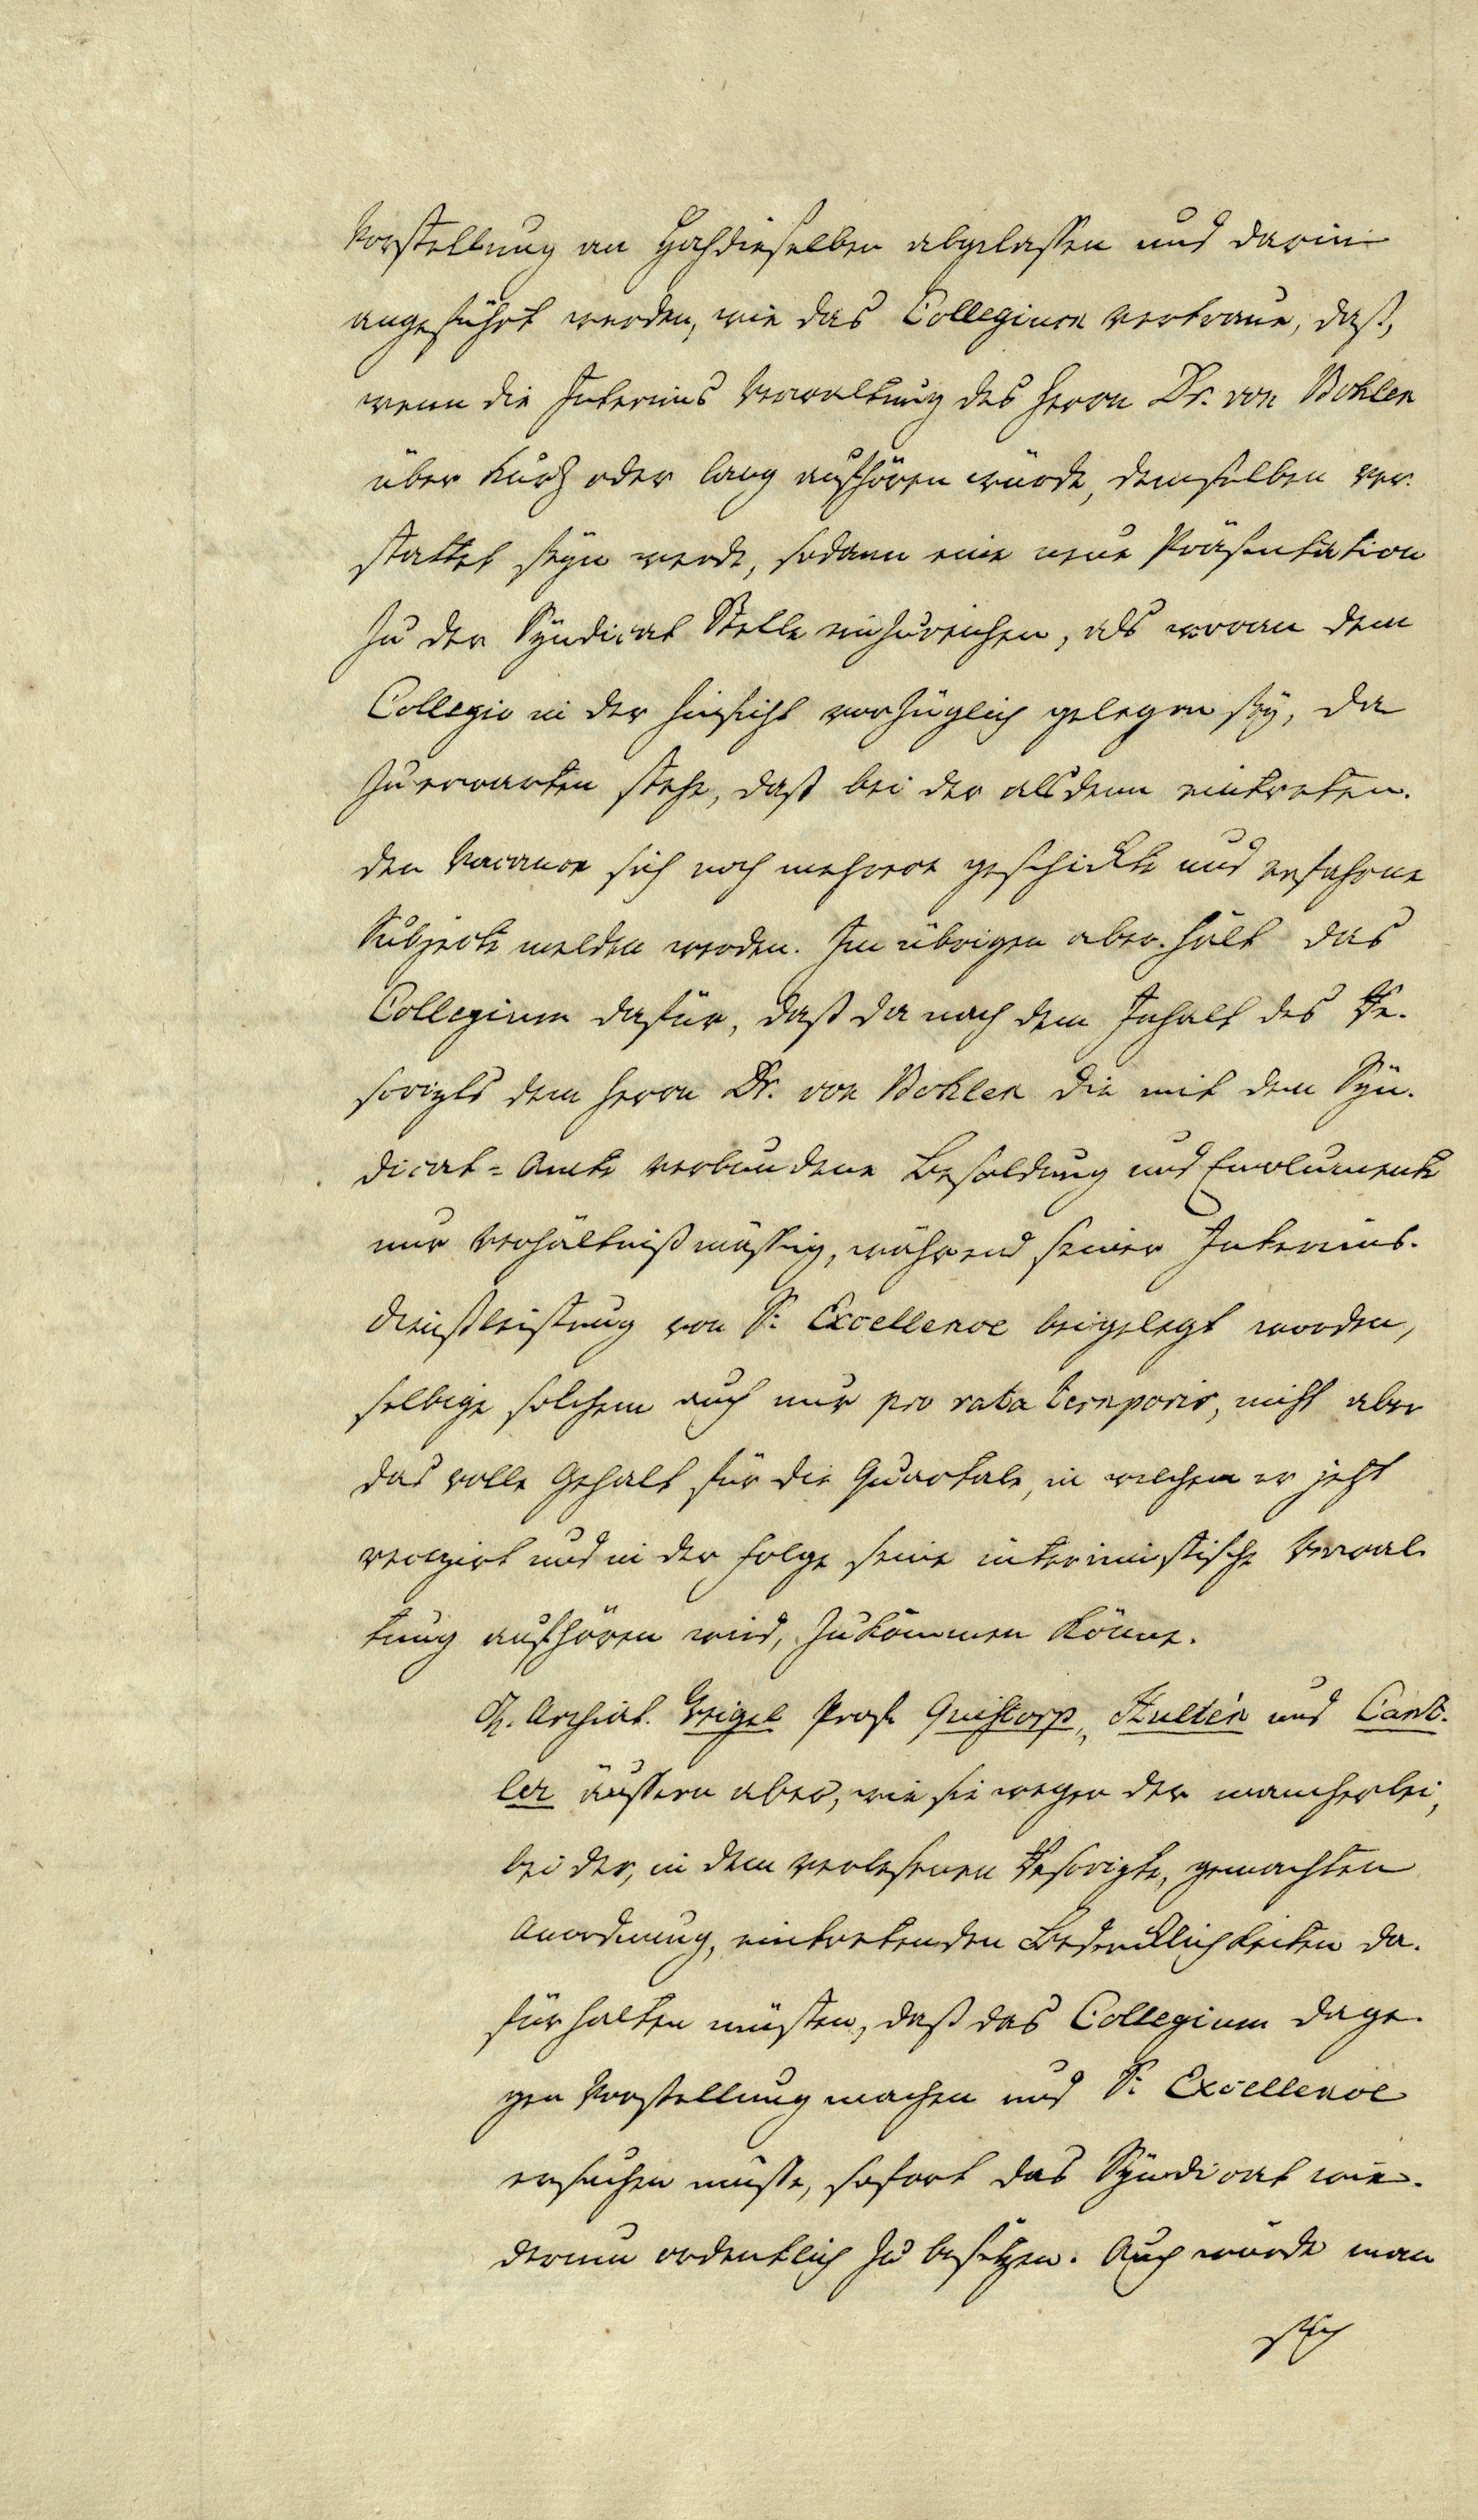Vorstellung an Hochdieselben abgelassen und darin
angeführt werden, wie das Collegium vertraue, daß,
wenn die Interims Verwaltung des Herrn Dr. von Bohlen
über kurz oder lang aufhören würde, demselben ver¬
stattet seÿn werde, sodann eine neue Präsentation
zu der Sÿndicat Stelle einzureichen, als woran dem
Collegio in der Hinsicht vorzüglich gelegen seÿ, da
zu erwarten stehe, daß bei der alsdenn eintreten¬
den Vacance sich noch mehrere geschickte und erfahrne
Subjecte melden werden. Im übrigen aber hält das
Collegium dafür, daß da nach dem Inhalt des Re¬
scripts dem Herrn Dr. von Bohlen die mit dem Sÿn¬
dicat - Amte verbundene Besoldung und Emolumente
nur Verhältniß mässig, während seiner Interims¬
Dienstleistung von Sr Excellence beigelegt worden,
selbige solchem auf nur pro rata temporis, nicht aber
das volle Gehalt für die Quartale, in welchem er jetzt
recipirt und in der Folge seine interimistische Verwal¬
tung aufhören wird, zukommen könne.
dh. Archiat. Weigel Prof. Quistorp, Hultén und Canz¬
ler äussern aber, wie sie wegen der mancherlei,
bei der, in dem verlesenen Rescripte, gemachten
Anordnung, eintretenden Bedencklichkeiten da¬
für halten müsten, daß das Collegium dage¬
gen Vorstellung machen und Sr. Excellence
ersuchen müsse, sofort das Sÿndicat wie¬
derum ordentlich zu besetzen. Auch würde man
sich